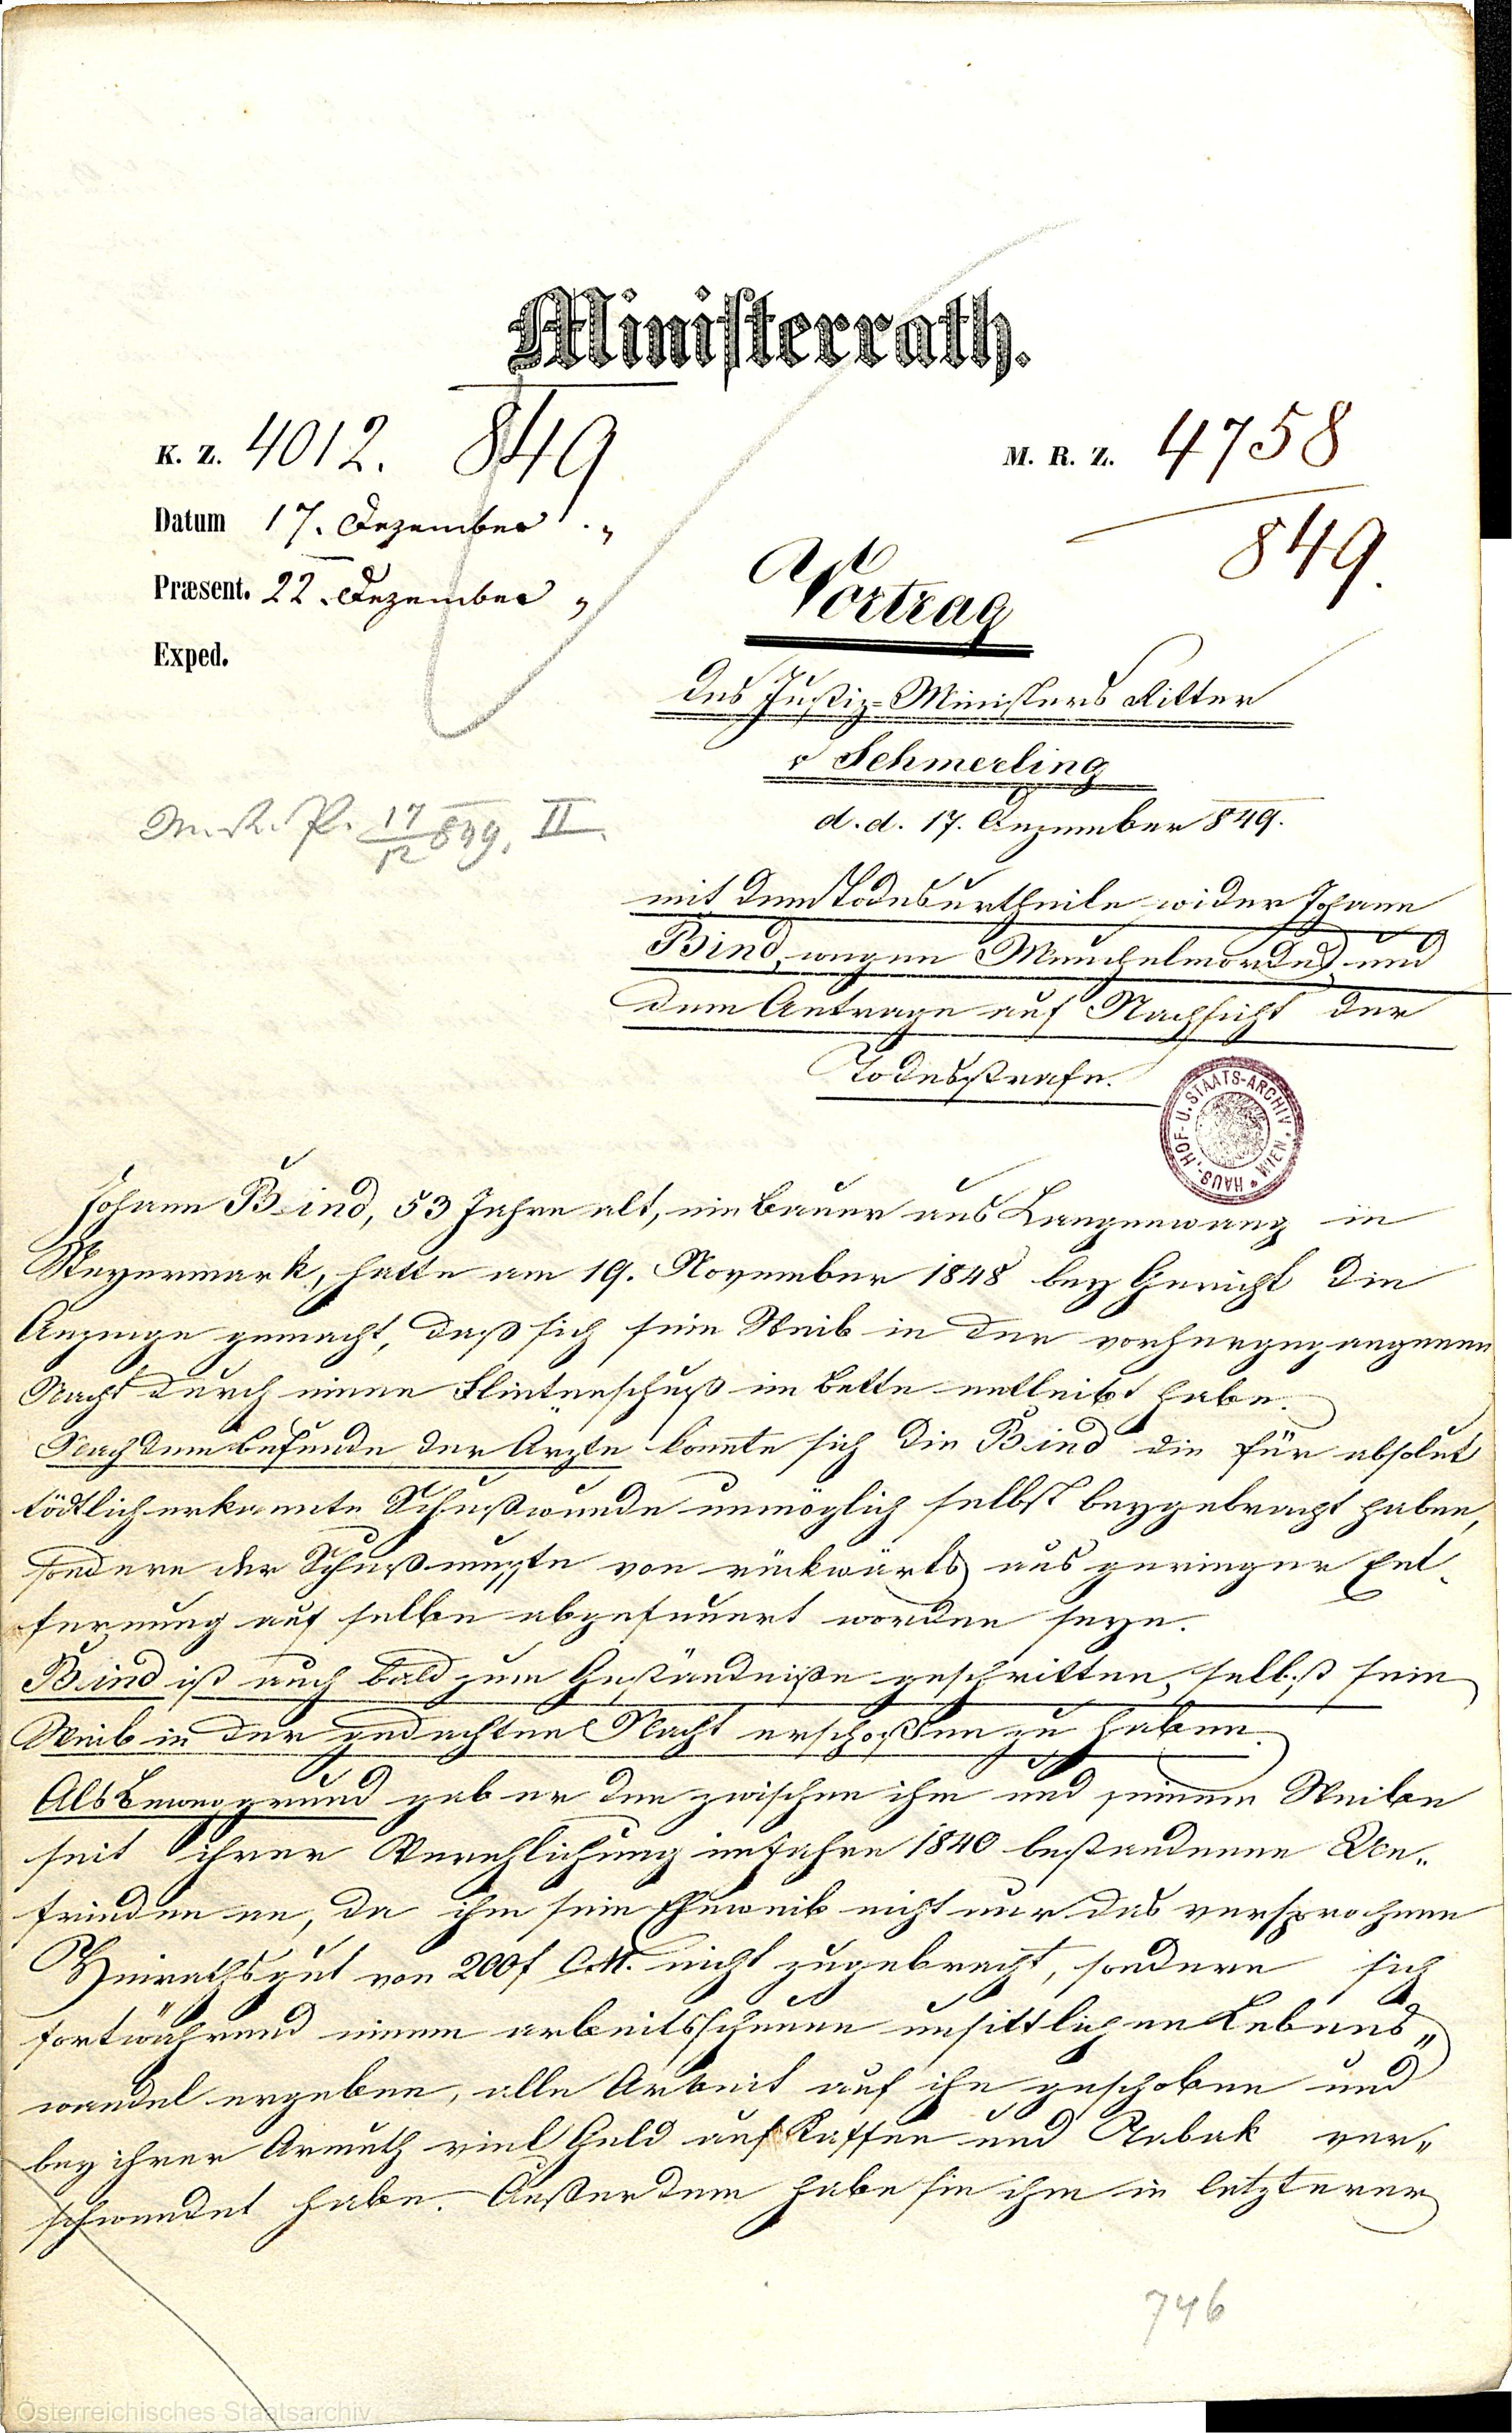Ministerrath.
K. Z. 4012. 849
Datum 17. Dezember 849
Præsent. 22. Dezember 849
Exped.
M. R. Z. 4758
849
M. R. P. 17/12 849. II.
Vortrag
des Justiz=Ministers Ritter
v Schmerling
d. d. 1w7. Dezember 849.
mit dem Todesurtheile wider Johann
Bind, wegen Meuchelmordes und
dem Antrage auf Nachsicht der
Todesstrafe.
Johann Bind, 53 Jahre alt, ein Bauer aus Langenwang in
Steyermark, hatte am 19. November 1848 bey Gericht die
Anzeige gemacht, daß sich sein Weib in der vorhergegangenen
Nacht durch einen Flintenschuß im Bette entleibt habe.
Nach dem Befunde der Ärzte konnte sich die Bind die für absolut
tödtlich erkannte Schußwunde unmöglich selbst beygebracht haben,
sondere der Schußmusste von rückwärts aus geringer Ent¬
fernung auf selbe abgefeuert worden seye.
Bind ist auch bald zum Geständniße geschritten, selbst sein
Weib in der gedachte Nacht erschossen zu haben.
Als Beweggrund gab er den zwischen ihm und seinem Weibe
seit ihrer Verehelichung im Jahre 1840 bestandenen Un¬
frieden an, da ihm sein Eheweib nicht nur das versprochene
Heirathsgut von 200f xx nicht zugebracht, sondere sich
fortwährend einem arbeitsscheuen unsittlich an Lebens¬
wandel ergeben, alle Arbeit auf ihn geschoben und
bey ihrer Armuth viel Geld auf Kaffen und Tabak ver¬
schwendet habe. Außerdem habe sie ihm in letzterer
746